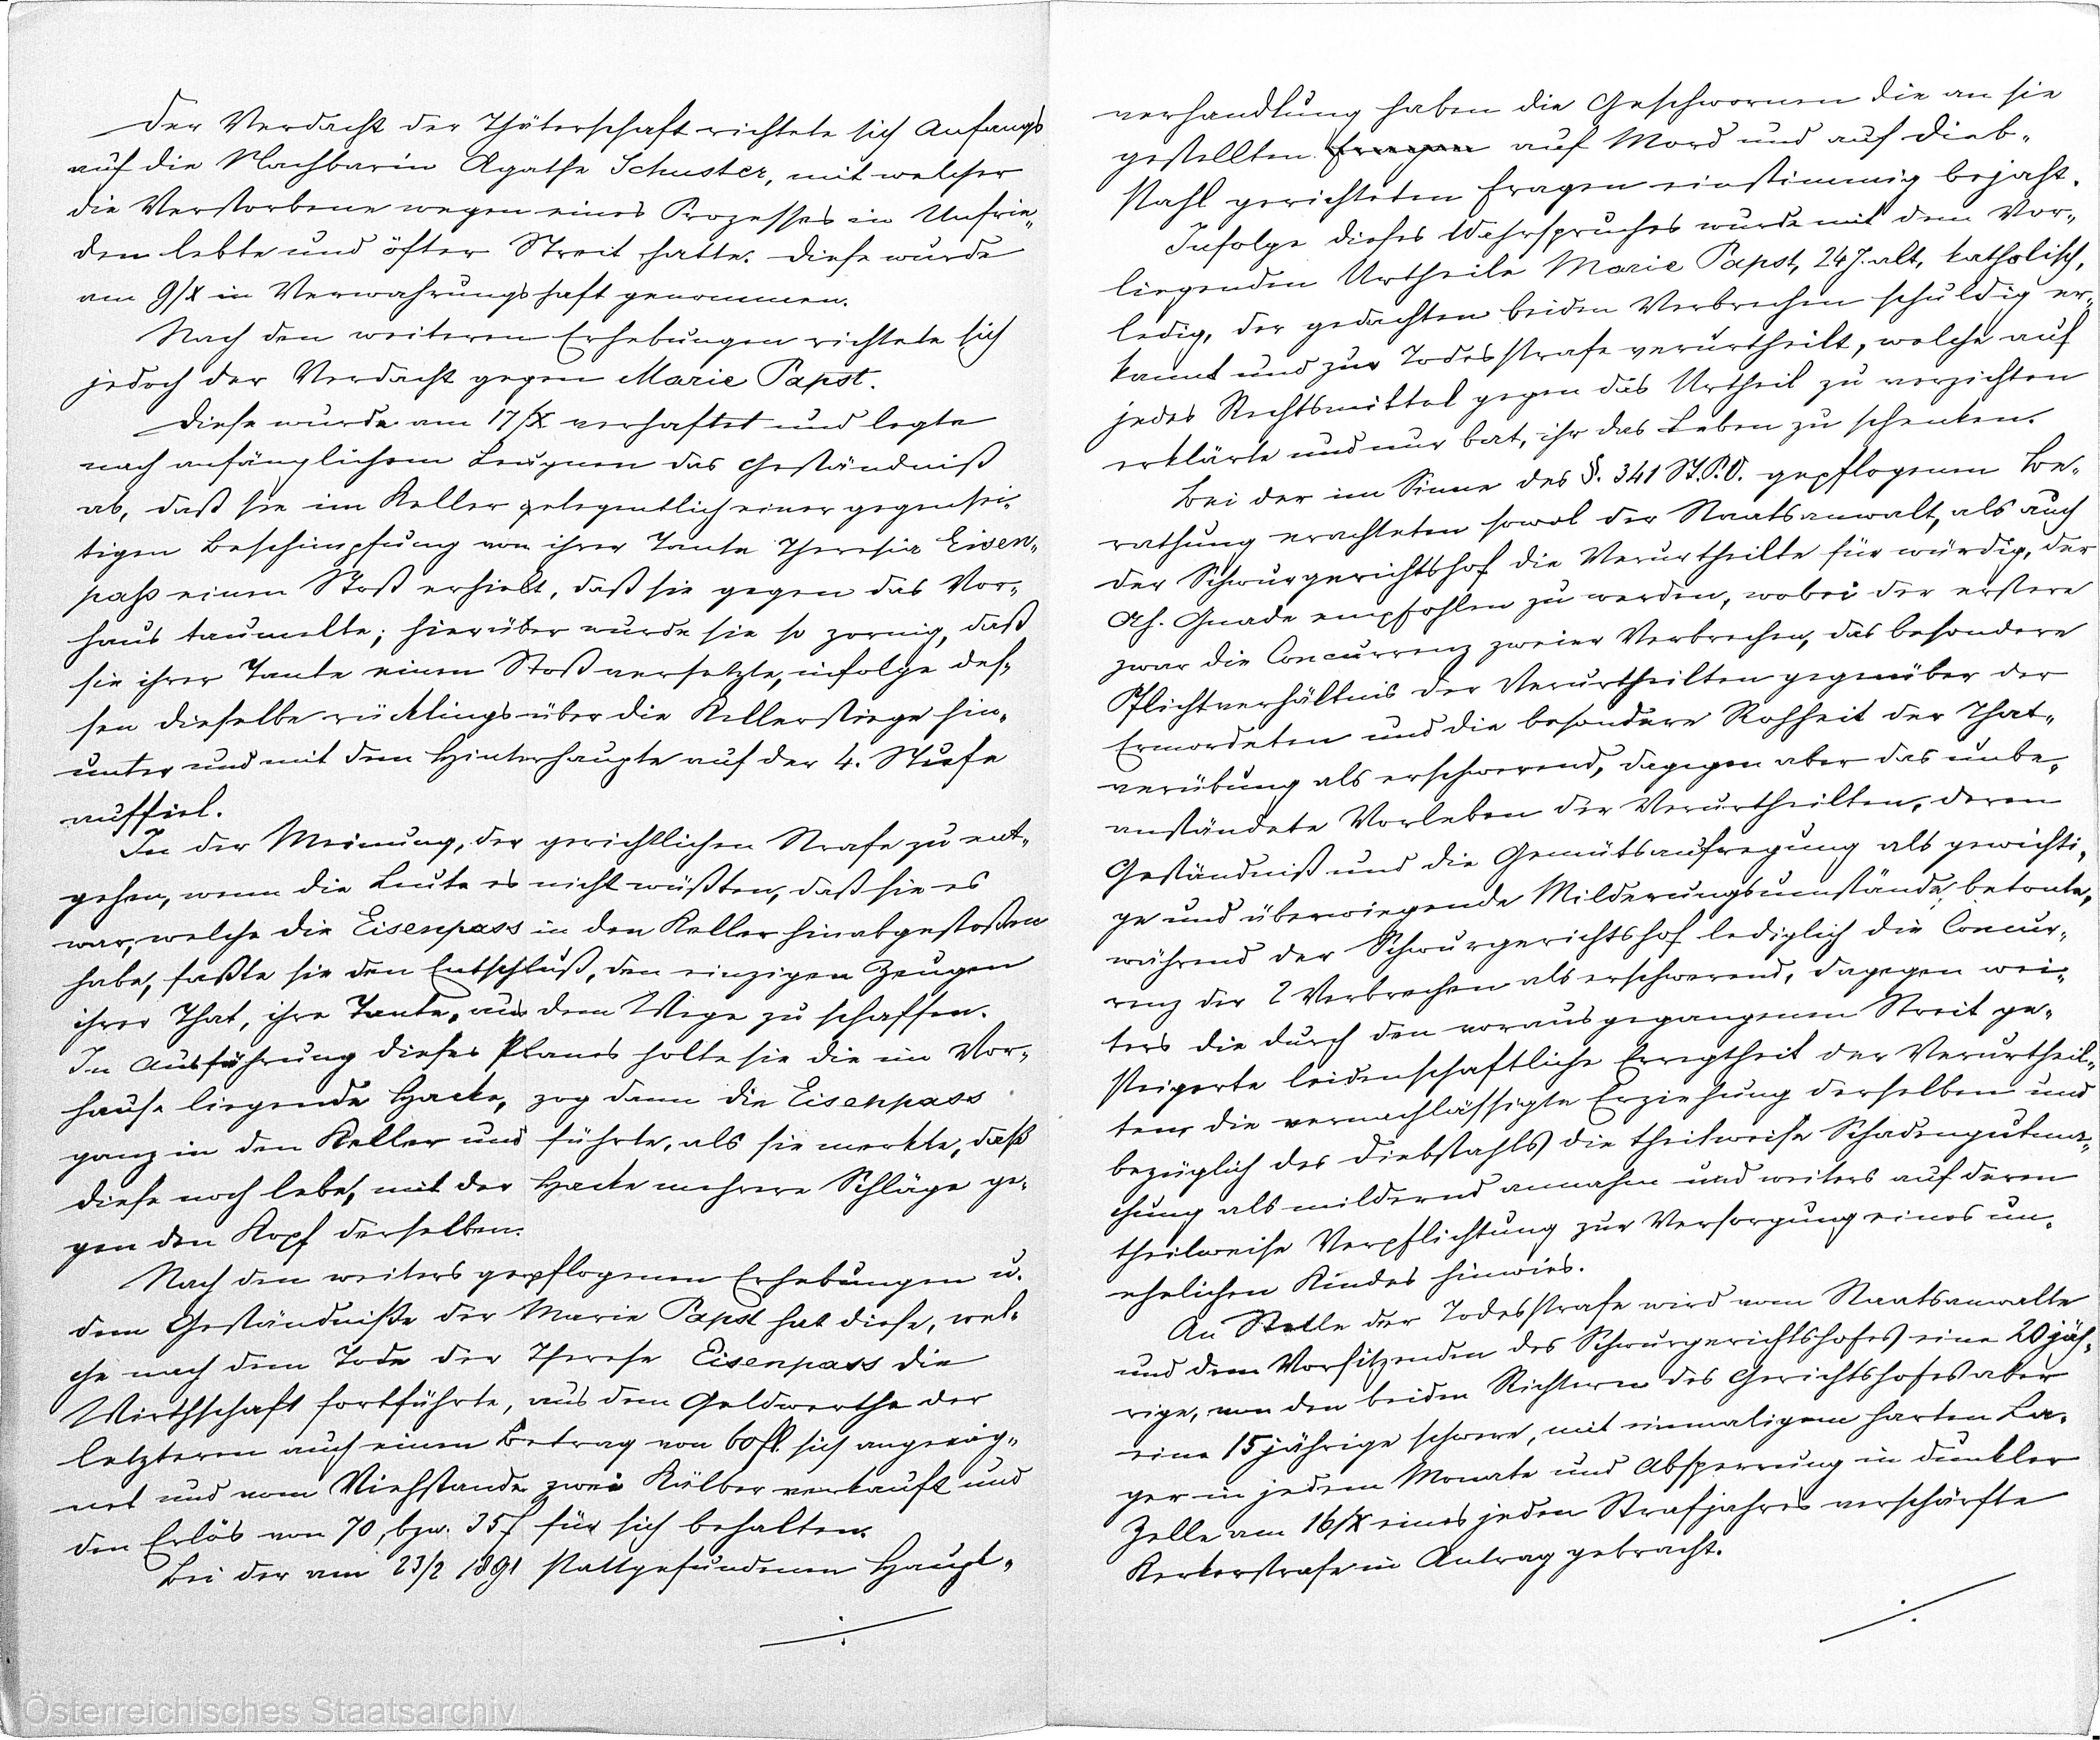Der Verdacht der Thäterschaft richtete sich Anfangs
auf die Nachbarin Agathe Schuster, mit welcher
die Verstorbene wegen eines Prozesses in Unfrie¬
den lebte und öfter Streit hatte. Diese wurde
am 9/X in Verwahrungshaft genommen.
Nach den weiteren Erhebungen richtete sich
jedoch der Verdacht gegen Marie Papst.
Diese wurde am 17/X verhaftet und legte
nach anfänglichen Leugnen das Geständniß
ab, daß sie im Keller gelegentlich einer gegensei¬
tigen Beschimpfung von ihrer Tante Theresie Eisen¬
pass einen Stoß erhielt, daß sie gegen das Vor¬
haus taumelte; hierüber wurde sie so zornig, daß
sie ihrer Tante einen Stoß versetzte, infolge des¬
sen dieselbe rücklings über die Kellerstiege hin¬
unter und mit den Hinterhaupte auf der 4. Stufe
auffiel.
In der Meinung, der gerichtlichen Strafe zu ent¬
gehen, wenn die Leute es nicht wüßten, daß sie es
war, welche die Eisenpass in den Keller hinabgestoßen
habe, faßte sie den Entschluß, den einzigen Zeugen
ihrer That, ihre Tante, aus dem Wege zu schaffen.
In Ausführung dieses Planes holte sie die im Vor¬
hause liegende Hacke, zog dann die Eisenpass
ganz in den Keller und führte, als sie merkte, daß
diese noch lebe, mit der Hacke mehrere Schläge ge¬
en den Kopf derselben.
Nach den weiters gepflogenen Erhebungen u.
dem Geständniße der Marie Papst hat diese, wel¬
che nach dem Tode der Therese Eisenpass die
Wirthschaft fortführte, aus dem Geldwerthe der
letzteren auch einen Betrag von 60fl sich angeeig¬
net und vom Viehstande zwei Kälber verkauft und
den Erlös vom 70 bzw 35 f für sich behalten.
Bei der am 23/2 1891 stattgefundenen Haupt¬
verhandlung haben die Geschworenen die an sie
gestellten auf Mord und auf Dieb¬
stahl gerichteten Fragen einstimmig bejaht.
Infolge dieses Wahrspruches wurde mit dem vor¬
liegenden Urtheile Marie Papst, 24 J. alt, katholisch,
ledig, der gedachten beiden Verbrechen schuldig er¬
kannt und zur Todesstrafe verurtheilt, welche auf
jedes Rechtsmittel gegen das Urtheil zu verzichten
erklärte und nur bat, ihr das Leben zu schenken.
Bei der im Sinne des §341 St P O gepflogenen Be¬
rathung erachteten sowol der Staatsanwalt, als auch
der Schwurgerichtshof die Verurtheilte für würdig, der
Ah. Gnade empfohlen zu werden, wobei der erstere
zwar die Concurrenz zweier Verbrechen, das besondere
Pflichtverhältnis der Verurtheilten gegenüber der
Ermordeten und die besondere Rohheit der That¬
verübung als erschwerend, dagegen aber das unbe¬
anständete Vorleben der Verurtheilten, deren
Geständniß und die Gemütsaufregung als gewichti¬
ge und überwiegende Milderungsumstände betonte,
während der Schwurgerichtshof lediglich die Concur¬
renz der 2 Verbrechen als erschwerend, dagegen wei¬
ters die durch den vorausgegangenen Streit ge¬
steigerte leidenschaftliche Erregtheit der Verurtheil¬
ten die vernachlässigte Erziehung derselben und
bezüglich des Diebstahles die theilweise Schadengutma¬
chung als mildernd annahm und weiters auf deren
theilweise Verpflichtung zur Versorgung eines un¬
ehelichen Kindes hinwies.
An Stelle der Todesstrafe wird vom Staatsanwalte
und dem Vorsitzenden des Schwurgerichtshofes eine 20jäh¬
rige, von den beiden Richtern des Gerichtshofesaber
eine 15jährige schwere, mit einmaligen harten La¬
ger in jedem Monate und Absperrung in dunkler
Zelle am 16/X eines jeden Strafjahres verschärfte
Kerkerstrafe in Antrag gebracht.